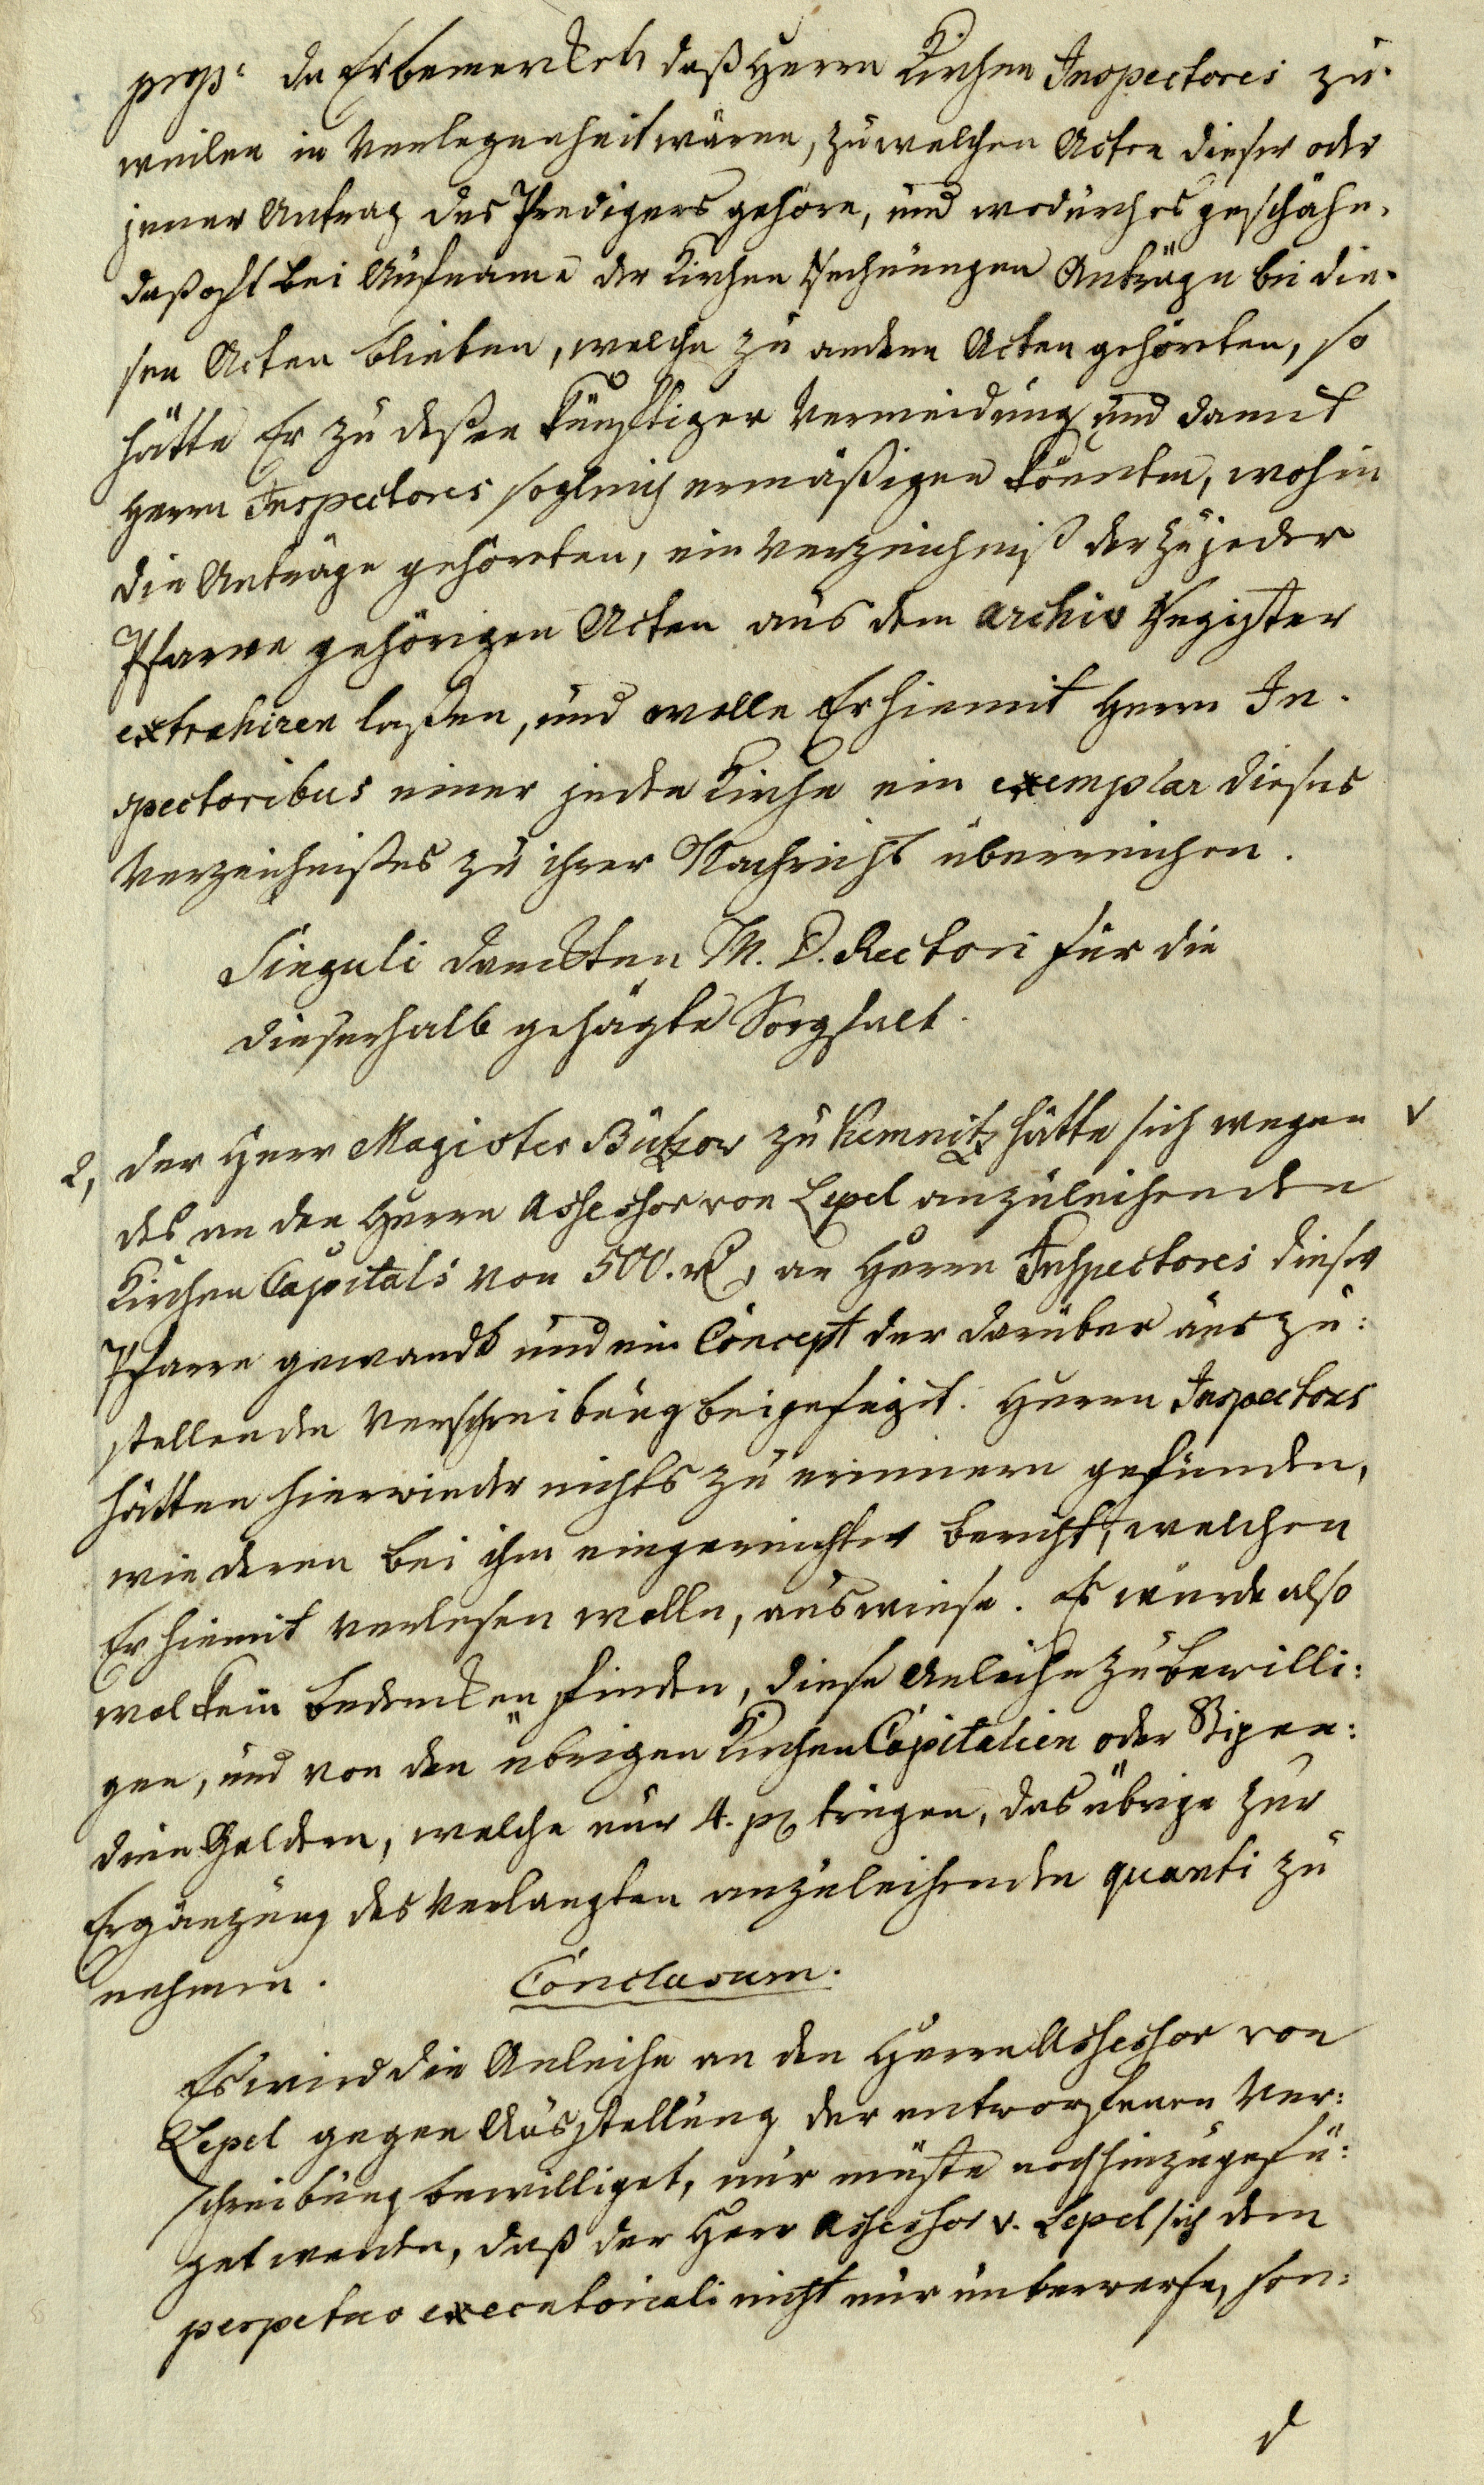prop da Er bemercket, daß Herrn Kirchen Inspectores zu¬
weilen in Verlegenheit wäre, zu welchen Acten dieser oder
jener Antrag des Predigers gehöre, und wodurch es geschähe,
daß oft bei Aufnahme der Kirchen Rechnungen Anträge bei die¬
sen Acten blieben, welche zu andern Acten gehörten, so
hätte Er zu deßen künftiger Vermeidung und damit
Herrn Inspectores sogleich ermäßigen könnten, wohin
die Anträge gehöreten, ein Verzeichniß der zu jeder
Pfarre gehörigen Acten aus dem Archiv Register
extrahiren laßen, und wolle Er hiemit Herrn In¬
spectoribus einer jeden Kirche ein Exemplar dieses
Verzeichnißes zu ihrer Nachricht überreichen.
Singuli danckten M. D. Rector für die
dieserhalb gehägte Sorgfalt.
2. Der Herr Magister Bützow zu Kemnitz hätte sich wegen
des an den Herrn Assessor von Lepel anzuleihenden
Kirchen Capitals von 500. r. an Herrn Inspectores dieser
Pfarre gewandt und ein Concept der darüber auszu¬
stellenden Verschreibung beigefüget. Herrn Inspectores
hätten hier wieder nichts zu erinnern gefunden,
wie deren bei ihm eingereichter Bericht welchen
Er hiemit verlesen wolle, auswiese. Er würde also
wol kein Bedencken finden, diese Anleihe zu bewilli¬
gen, und von den übrigen Kirchen Capitalien oder Stipen¬
dien Geldern, welche nur 4. p. trügen, das übrige zur
Ergänzung des verlangten anzuleihenden quanti zu
nehmen. Conclusum
Es wird die Anleihe an den Herrn Assessor von
Lepel gegen Ausstellung der entworfenen Ver¬
schreibung bewilliget, nur müste noch hinzugefü¬
get werden, daß der Herr Assessor v. Lepel sich dem
perpetuo executoriali nicht nur unterwerfe, son¬